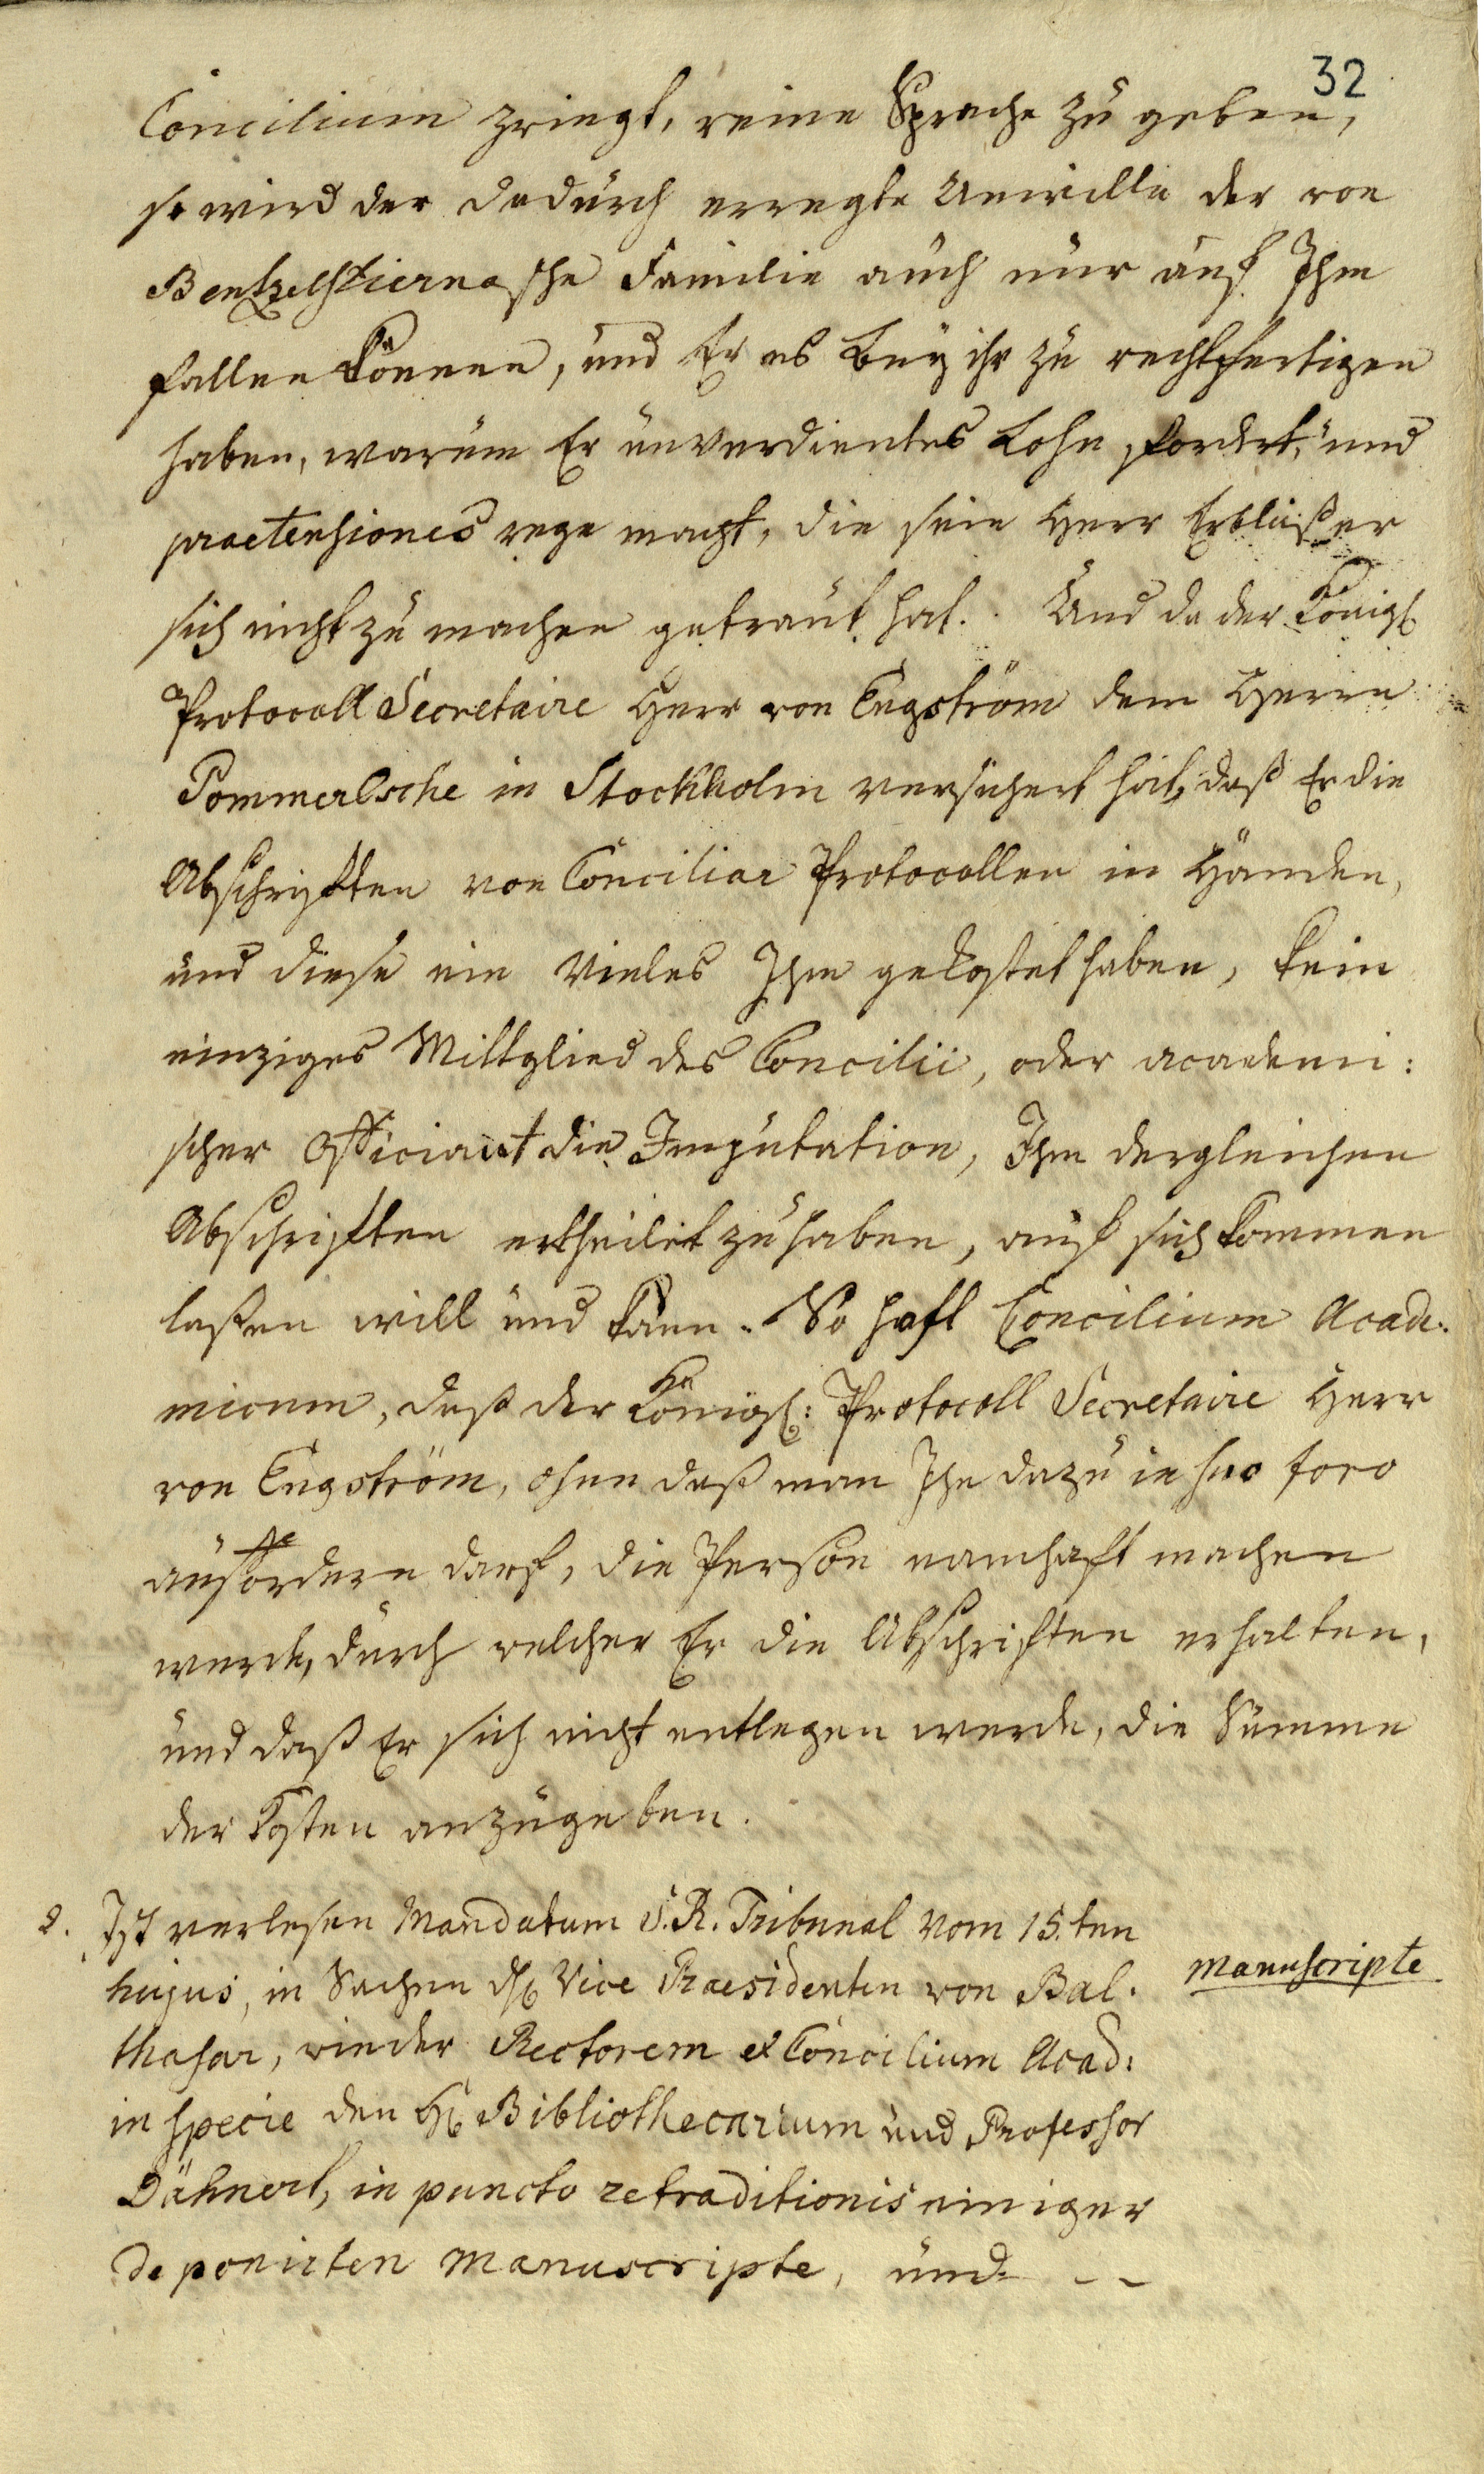Concilium zwingt, reine Sprache zu geben,
so wird der dadurch erregte Unwille der von
Bentzelstiernasche Familie auch nur auf Ihm
fallen können, und Er es beÿ ihr zu rechtfertigen
haben, warum Er unverdientes Lohn fordert, und
praetensiones rege macht, die sein Herr Erblaßer
sich nicht zumachen getraut hat. Und da der Königl.
Protocoll Secretaire Herr von Engström dem Herrn
PommerEsche in Stockholm versichert hat, daß Er die
Abschriften von Conciliar Protocollen in Händen,
und diese ein vieles Ihm gekostet haben, kein
einziges Mittglied des Concilii, oder academi¬
scher officiant die Imputation, Ihm dergleichen
Abschriften ertheilet zu haben, auf sich kommen
laßen will und kann. So hoft Concilium Acade¬
micum, daß der Königl. Protocoll Secretaire Herr
von Engström, ohne daß man Ihn dazu in suo foro
auffordern darf, die Person namhaft machen
werde, durch welcher Er die Abschriften erhalten,
und daß Er sich nicht entlegen werde, die Summe
der Kosten anzugeben.
2. Ist verlesen Mandatum S. R. Tribunal vom 15 ten
hujus, in Sachen dh Vice Praesidenten von Bal¬
thasar, wieder Rectorem et Concilium Acad.
in specie den H Bibliothecarium und Professor
Dähnert, in puncto retraditionis einiger
deponirten Manuscripte, und